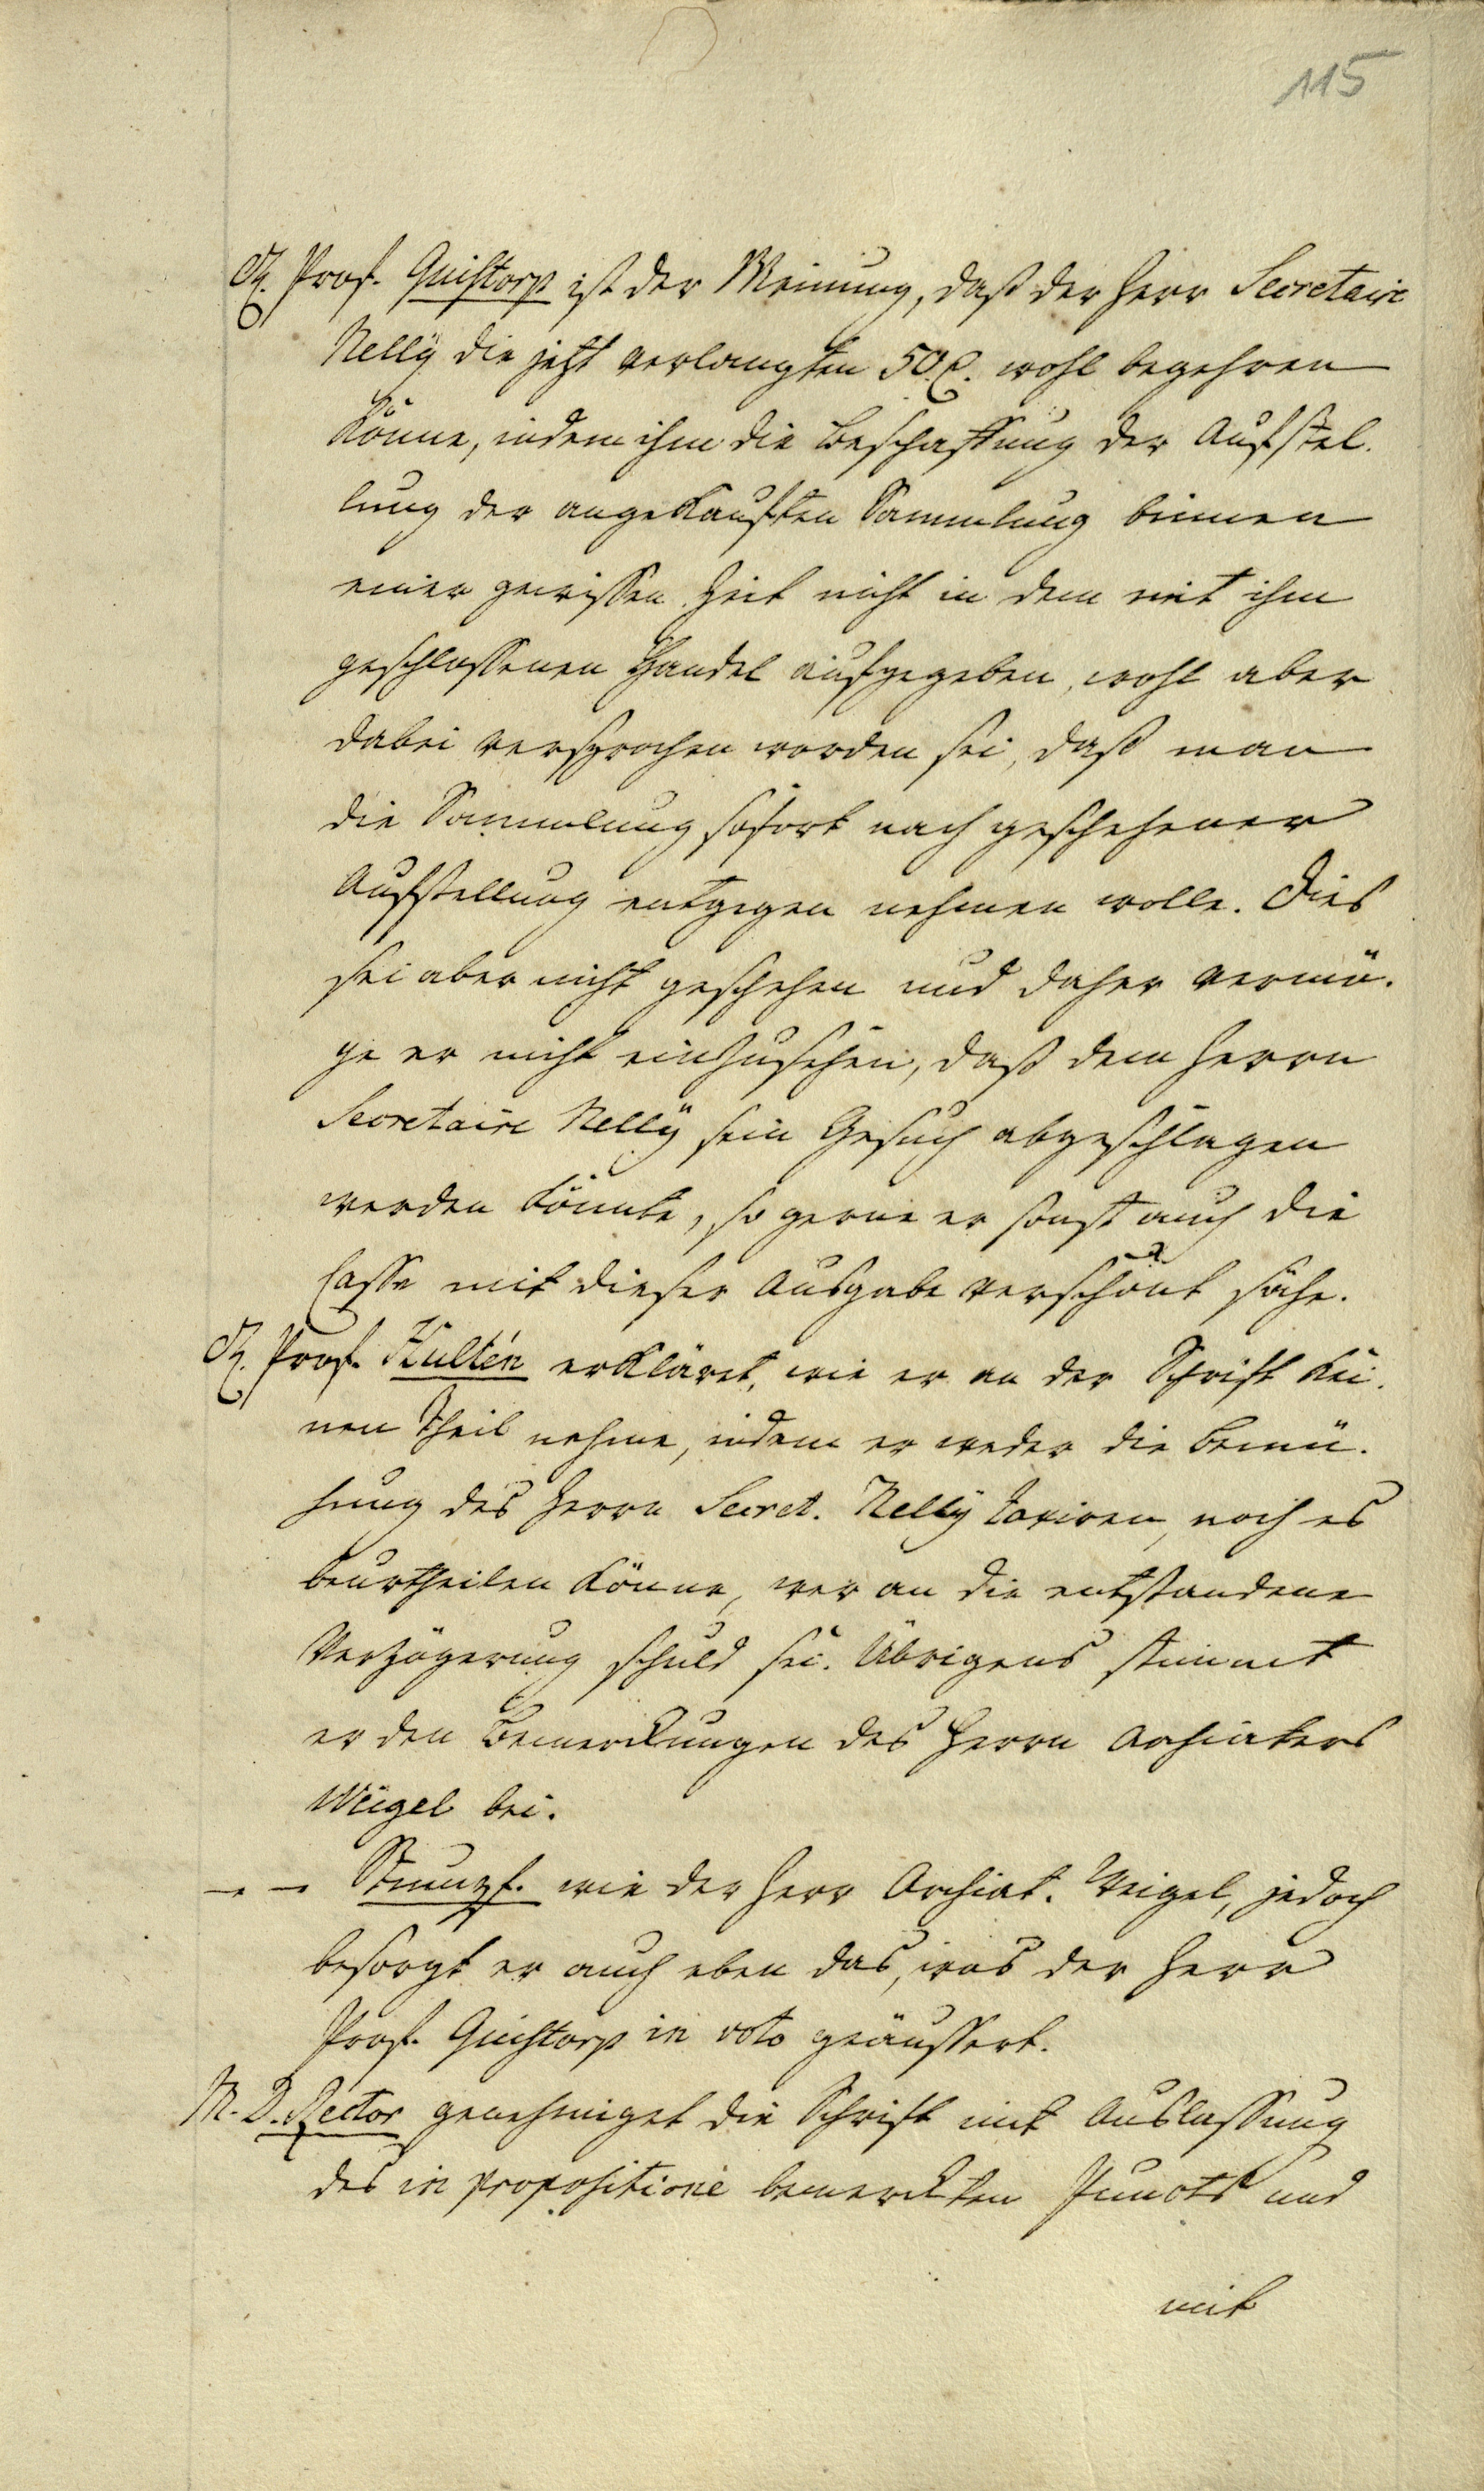dh. Prof. Quistorp ist der Meinung, daß der Herr Secretaire
Nellÿ die jetzt verlangten 50 l. wohl begehren
könne, indem ihm die Beschaffung der Aufstel¬
lung der angekauften Sammlung binnen
einer gewissen Zeit nicht in dem mit ihm
geschlossenen Handel aufgegeben, wohl aber
dabei versprochen worden sei, daß man
die Sammlung sofort nach geschehener
Aufstellung entgegen nehmen wolle. Dies
sei aber nicht geschehen und daher vermö¬
ge er nicht einzusehen, daß dem Herrn
Secretaire Nellÿ sein Gesuch abgeschlagen
werden könnte, so gerne er sonst auch die
Casse mit dieser Ausgabe verschont sähe.
dh. Prof. Hultén erkläret, wie er an der Schrift kei¬
nen Theil nehme, indem er weder die Bemü¬
hung des Herrn Secret. Nellÿ taxiren, noch es
beurtheilen könne, wer an die entstandene
Verzögerung schuld sei. Übrigens stimmt
er den Bemerckungen des Herrn Archiaters
Weigel bei.
Stumpf, wie der Herr Archiat. Weigel, jedoch
besorgt er auch eben das, was der Herr
Prof. Quistorp in voto geäussert.
M. D. Rector genehmiget die Schrift mit Auslassung
des in propositione bemerckten Puncts und
mit